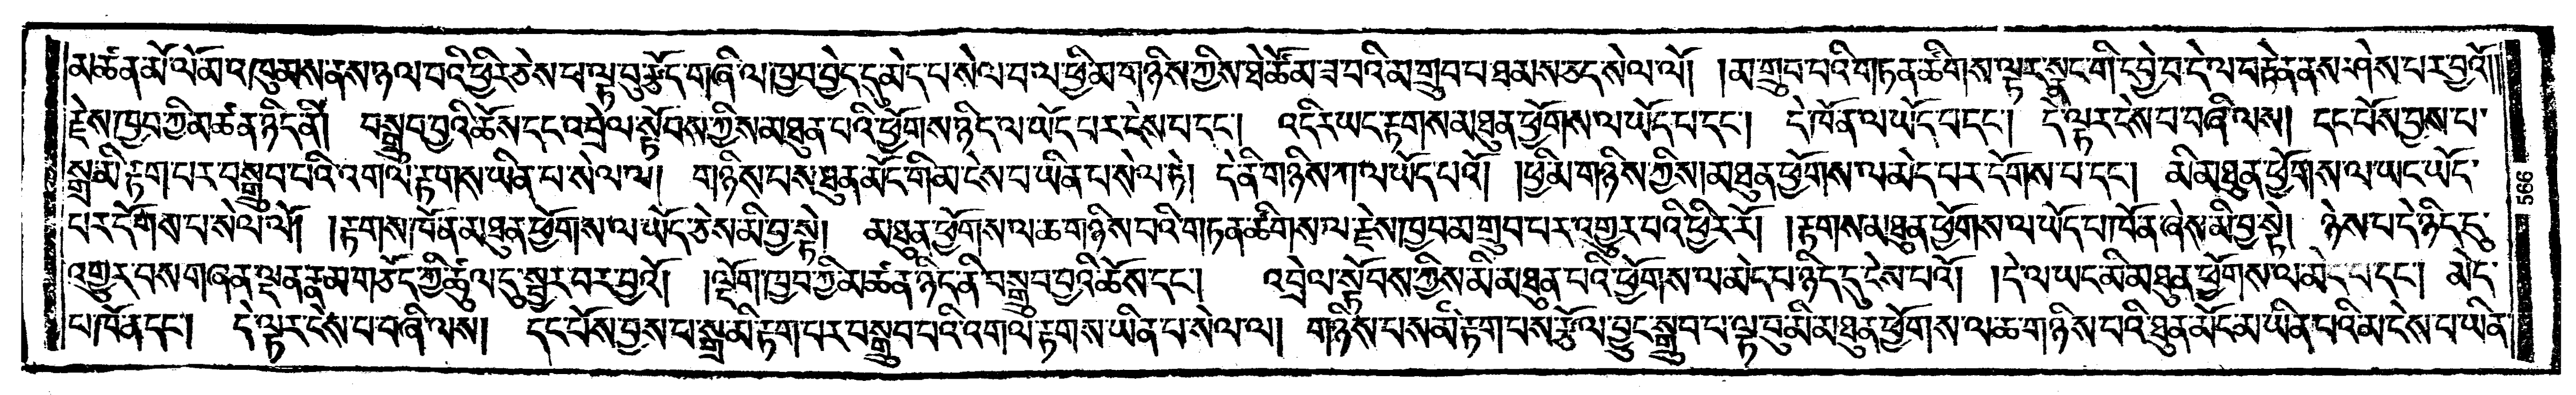མཚན་མོ་ལོ་མ་འཁུམས་ནས་ཉལ་བའི་ཕྱིར་ཅེས་ཕ་ལྟ་བུ་རྩོད་གཞི་ལ་ཁྱབ་བྱེད་དུ་མེད་པ་སེལ་བ་ལ་ཕྱི་མ་གཉིས་ཀྱིས་ཐེ་ཚོམ་ཟ་བའི་མ་གྲུབ་པ་ཐམས་ཅད་སེལ་ལོ། །མ་གྲུབ་པའི་གཏན་ཚིགས་ལྟར་སྣང་གི་དབྱེ་བ་དེ་ལ་བརྟེན་ནས་ཤེས་པར་བྱའོ།།
རྗེས་ཁྱབ་ཀྱི་མཚན་ཉིད་ནི། བསྒྲུབ་བྱའི་ཆོས་དང་འབྲེལ་སྟོབས་ཀྱིས་མཐུན་པའི་ཕྱོགས་ཉིད་ལ་ཡོད་པར་ངེས་པ་དང་། འདིར་ཡང་རྟགས་མཐུན་ཕྱོགས་ལ་ཡོད་པ་དང་། དེ་ཁོ་ན་ཡོད་པ་དང་། དེ་ལྟར་ངེས་པ་བཞི་ལས། དང་པོས་བྱས་པ་
སྒྲ་མི་རྟག་པར་བསྒྲུབ་པའི་འགལ་རྟགས་ཡིན་པ་སེལ་ལ། གཉིས་པས་ཐུན་མོང་གི་མ་ངེས་པ་ཡིན་པས་ཏེ། དེ་ནི་གཉིས་ཀ་ལ་ཡོད་པའོ། །ཕྱི་མ་གཉིས་ཀྱིས། མཐུན་ཕྱོགས་ལ་མེད་པར་དོགས་པ་དང་། མི་མཐུན་ཕྱོགས་ལ་ཡང་ཡོད་
པར་དགོས་པ་སེལ་ལོ། །རྟགས་ཁོ་ན་མཐུན་ཕྱོགས་ལ་ཡོད་ཅེས་མི་བྱ་སྟེ། མཐུན་ཕྱོགས་ལ་ཆ་གཉིས་པའི་གཏན་ཚིགས་ལ་རྗེས་ཁྱབ་མ་གྲུབ་པར་འགྱུར་བའི་ཕྱིར་རོ། །རྟགས་མཐུན་ཕྱོགས་ལ་ཡོད་པ་ཁོ་ན་ཞེས་མི་བྱ་སྟེ། ཉེས་པ་དེ་ཉིད་དུ་
འགྱུར་བས་གཞན་ལྡན་རྣམ་གཅོད་ཀྱི་ཚུལ་དུ་སྦྱར་བར་བྱའོ། །ལྡོག་ཁྱབ་ཀྱི་མཚན་ཉིད་ནི་བསྒྲུབ་བྱའི་ཆོས་དང་། འབྲེལ་སྟོབས་ཀྱིས་མི་མཐུན་པའི་ཕྱོགས་ལ་མེད་པ་ཉིད་དུ་ངེས་པའོ། །དེ་ལ་ཡང་མི་མཐུན་ཕྱོགས་ལ་མེད་པ་དང་། མེད་
པ་ཁོ་ན་དང་། དེ་ལྟར་ངེས་པ་བཞི་ལས། དང་པོས་བྱས་པ་སྒྲ་མི་རྟག་པར་བསྒྲུབ་པའི་འགལ་རྟགས་ཡིན་པ་སེལ་ལ། གཉིས་པས་མི་རྟག་པས་རྩོལ་བྱུང་སྒྲུབ་པ་ལྟ་བུ་མི་མཐུན་ཕྱོགས་ལ་ཆ་གཉིས་པའི་ཐུན་མོང་མ་ཡིན་པའི་མ་ངེས་པ་ཡིན་